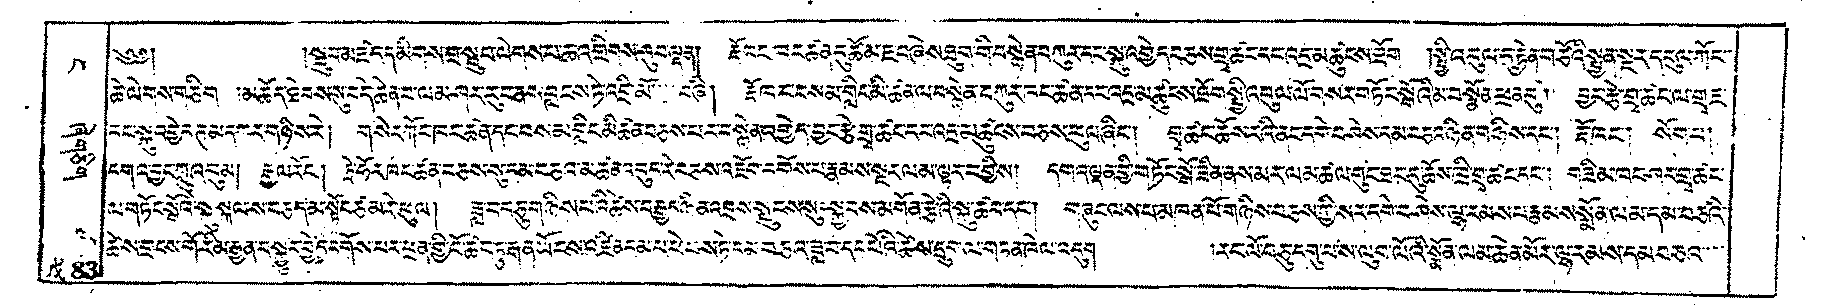༄༅། །སྦུབ་མཛད་དམིགས་གྲ་སྦུབ་ལེགས་པ་ཆ་འགྲིགས་ཤུབ་ལྡན། རྡོ་ཁང་ཁང་ཚན་དུ་ཚོམ་ཇ་བཞེས་ཐུག་གི་བསྙེན་བཀུར་དང་སྐུ་འགྱེད་བཅས་གྲྭ་ཚང་དང་འདྲ་མཚུངས་ཐོག །སྤྱི་འབུལ་དུ་རྟེན་གཙོའི་སྤྱན་སྔར་དངུལ་ཀོང་
ཆེ་ལེགས་གཅིག །མཆོད་ཐེབས་སུ་བདེ་ཆེན་བ་ལམ་ཤར་རུ་བ་ནས་བླངས་ཏེ་འབྲི་མོ་བཞི། རྡོ་ཁང་བསམ་གླིང་མི་ཚན་ལ་བསྙེན་བཀུར་ཁང་ཚན་དང་འདྲ་མཚུངས་ཐོག་སྤྱི་འབུལ་ལོ་གསར་གཏོང་སྒོའི་མ་བསྣོན་ཕྲན་བུ། བྱང་རྩེ་གྲྭ་ཚང་ལ་གྲྭ་ཇ་
དང་སྐུ་འགྱེད་ཊམ་དཀར་གཉིས་རེ། གསེར་ཀོང་ཁང་ཚན་དང་བསམ་གླིང་མི་ཚན་བཅས་པར་བསྙེན་འགྱེད་བྱང་རྩེ་གྲྭ་ཚང་དང་འདྲ་མཚུངས་བཅས་ཕུལ་ཞིང་། གྲྭ་ཚང་ཆོས་རའི་ནང་དགེ་བཤེས་དམ་བཅའ་ཉིན་གཉིས་དང་། རྡོ་ཁང་། སོག་པ།
དགའ་བྱང་ཀླུ་འབུམ། རྒྱལ་རོང་། ཏྲེ་ཧོར་ཁང་ཚན་བཅས་སུ་དམ་བཅའ་མཚན་འབུད་རེ་བཅས་འཇོག་དགོས་པ་རྣམས་སྔར་ལམ་ལྟར་བགྱིས། དགའ་ལྡན་གྱི་གཏོང་སྒོ་ཟིན་ནས་མར་ལམ་ཚལ་གུང་ཐང་དུ་ཆོས་ཁྲི་གྲྭ་ཚང་དང་། གཟིམ་ཁང་ཤར་གྲྭ་ཚང་
ལ་གཏོང་སྒོའི་སྐུ་སྐལ་ས་བཅད་མ་སྟོང་ཙམ་རེ་ཕུལ། ཟླ་བ་བཅུ་གཉིས་པའི་ཚེས་བརྒྱད་ཉིན་འབྲས་སྤུངས་སུ་སྐྱབས་མགོན་རྩེའི་སྐུ་ཚབ་དང་། གཞུང་ལས་པ་མཁན་པོ་གཉིས་བཅས་ཀྱི་སར་དགེ་བཤེས་ལྷ་རམས་པ་རྣམས་སྨོན་ལམ་དམ་བཅའི་
ཚེས་གྲངས་གོ་རིམ་རྒྱན་བསྐྱུར་བྱེད་དགོས་པར་ཕྲན་གྱི་ངོ་ཚབ་ཏུ་རྒན་ཡོངས་འཛིན་དམ་པ་ཕེབས་ཏེ་དམ་བཅའ་ཟླ་བ་དང་པོའི་ཚེས་དྲུག་ལ་གཏན་ཁེལ་འདུག །རང་ལོ་བཅུ་དགུ་པ་ས་ལུག་ལོའི་སྨོན་ལམ་ཆེན་མོར་ལྷ་རམས་དམ་བཅའ་